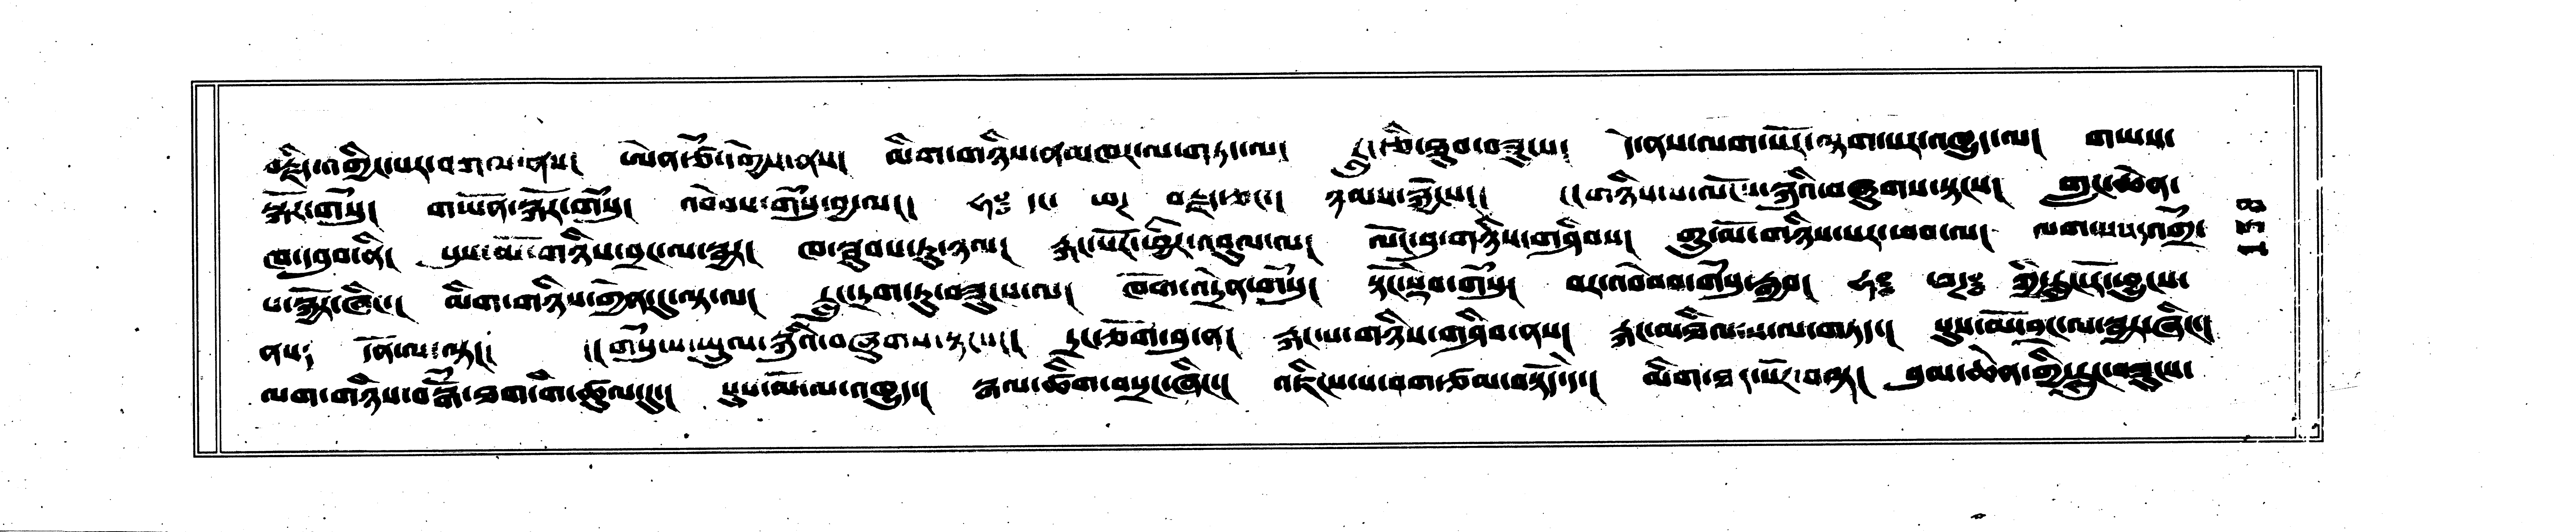བརྗིད་འཇིང་པར་བཀལ་ནས། ཨེན་ཙམ་དགྱེས་ནས། མིག་གཉིས་ནམ་མཁའ་ལ་གཏད་ལ། རླུང་ཅི་ཐུབ་བཟུང་། དེ་ནས་ལག་སོར་ལྟག་པར་འཁྱུད་ལ། གཡས་
སྐོར་གསུམ། གཡོན་སྐོར་གསུམ། འབེབས་གསུམ་བྱ་ལ། ཧཿ དང་ཕཊཿབརྗོད་ཅིང་ཉམས་སྐྱོང་། །གཉིས་པ་ལོངས་སྐུའི་བཞུགས་སྟངས། གླང་ཆེན་
ཁ་དབུབ་ནི། པུས་མོ་གཉིས་བྲང་ལ་སྦྱར། ཁ་སྦུབས་སུ་ཉལ། རྐང་སོར་ཕྱིར་འབུལ་ལ། ལོང་བུ་གཉིས་གཤིབས། གྲུ་མོ་གཉིས་སར་ཕབ་ལ། ལག་པས་འགྲམ་
པ་སྐྱོར་ཞིང་། མིག་གཉིས་གྱེན་དུ་བལྟ་ལ། རླུང་དྲག་ཏུ་བཟུང་ལ། ཁོག་འདྲེན་གསུམ། སྟོང་ལྡེབ་གསུམ། བར་འབེབས་གསུམ་བརྒྱབས། ཧཿ ཕཊཿཀྱི་རླུང་རོ་ཕྱུང་
ནས་དོན་ལ་ལྟ། གསུམ་པ་སྤྲུལ་སྐུའི་བཞུགས་སྟངས། དྲང་ཅོག་བུ་ན། རྐང་པ་གཉིས་གཤིབས་ནས་རྐང་མཐིལ་ས་ལ་གཏད། པུས་མོ་བྲང་ལ་སྦྱར་ཞིང་
ལག་གཉིས་སྒོམ་ཐག་གི་ཚུལ་དུ། པུས་མོ་ལ་འཁྱུད། སྒལ་ཚིགས་བསྲང་ཞིང་། འཇིངས་པ་བག་ཙམ་བསྟོད་དེ། མིག་ཐར་སོགས་བལྟ། བུམ་ཆེན་གྱི་རླུང་བཟུང་